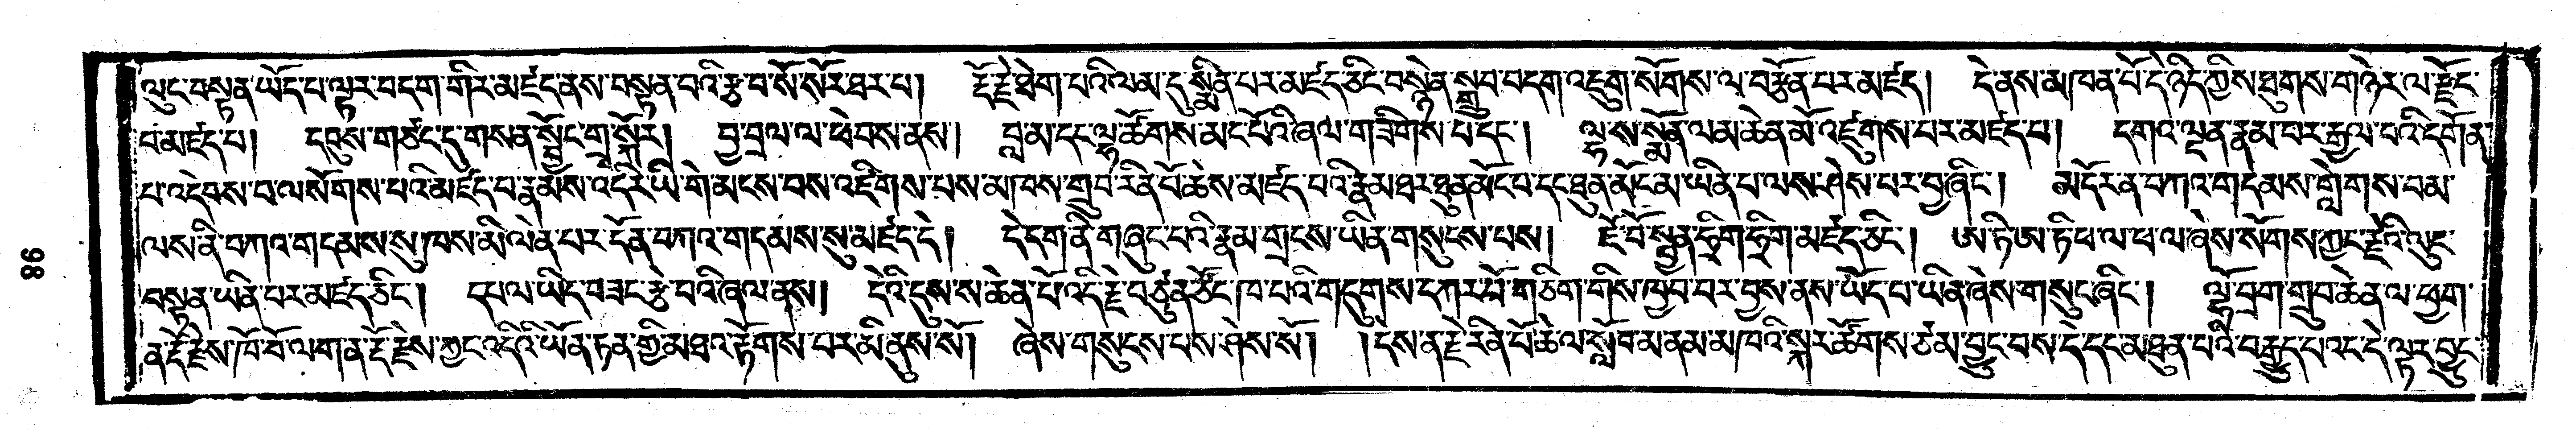ལུང་བསྟན་ཡོད་པ་ལྟར་བདག་གིར་མཛད་ནས་བསྟན་བའི་རྩ་བ་སོ་སོར་ཐར་པ། རྡོ་རྗེ་ཐེག་པའི་ལམ་དུ་སྨིན་པར་མཛད་ཅིང་བསྙེན་སྒྲུབ་བདག་འཇུག་སོགས་ལ་བརྩོན་པར་མཛད། དེ་ནས་མཁན་པོ་དེ་ཉིད་ཀྱིས་ཐུགས་གཉེར་ལ་རྫོང་
བ་མཛད་པ། དབུས་གཙང་དུ་གསན་སྦྱོང་གྲྭ་སྐོར། བྱ་བྲལ་ལ་ཕེབས་ནས། བླ་མ་དང་ལྷ་ཚོགས་མང་པོའི་ཞལ་གཟིགས་པ་དང་། ལྷ་ས་སྨོན་ལམ་ཆེན་མོ་འཛུགས་པར་མཛད་པ། དགའ་ལྡན་རྣམ་པར་རྒྱལ་བའི་དགོན་
པ་འདེབས་བ་ལ་སོགས་པའི་མཛད་པ་རྣམས་འདིར་ཡི་གེ་མངས་བས་འཛིགས་པས་མཁས་གྲུབ་རིན་པོ་ཆེས་མཛད་པའི་རྣམ་ཐར་ཐུན་མོང་བ་དང་ཐུན་མོང་མ་ཡིན་པ་ལས་ཤེས་པར་བྱ་ཞིང་། མདོར་ན་བཀའ་གདམས་གླེགས་བམ་
ལས་ནི་བཀའ་གདམས་སུ་ཁས་མི་ལེན་པར་དོན་བཀའ་གདམས་སུ་མཛད་དེ། དེ་དག་ནི་གཞུང་བའི་རྣམ་གྲངས་ཡིན་གསུངས་པས། ཇོ་བོ་སྤྱན་ཧྲིག་ཧྲིག་མཛད་ཅིང་། ཨ་ཏི་ཨ་ཏི་ཕ་ལ་ཕ་ལ་ཞེས་སོགས་ཀྱང་རྗེའི་ལུང་
བསྟན་ཡིན་པར་མཛད་ཅིང་། དཔལ་ཡིད་བཟང་རྩེ་བའི་ཞལ་ནས། དེའི་དུས་ས་ཆེན་པོ་འདི་རྗེ་བཙུན་ཙོང་ཁ་པའི་གདུགས་དཀར་པོ་གཅིག་གིས་ཁྱབ་པར་བྱས་ནས་ཡོད་བ་ཡིན་ཞེས་གསུང་ཞིང་། ལྷོ་བྲག་གྲུབ་ཆེན་ལ་ཕྱག་
ན་རྡོ་རྗེས་ཁོ་བོ་ལག་ན་རྡོ་རྗེས་ཀྱང་འདིའི་ཡོན་ཏན་གྱི་མཐའ་རྟོགས་པར་མི་ནུས་སོ། ཞེས་གསུངས་པས་ཤེས་སོ། །དེས་ན་རྗེ་རིན་པོ་ཆེ་ལ་སློབ་མ་ནམ་མཁའི་སྐར་ཚོགས་ཙམ་བྱུང་བས་དེ་དང་མཐུན་པའི་བརྒྱུད་པའང་དེ་ལྟར་བྱུང་